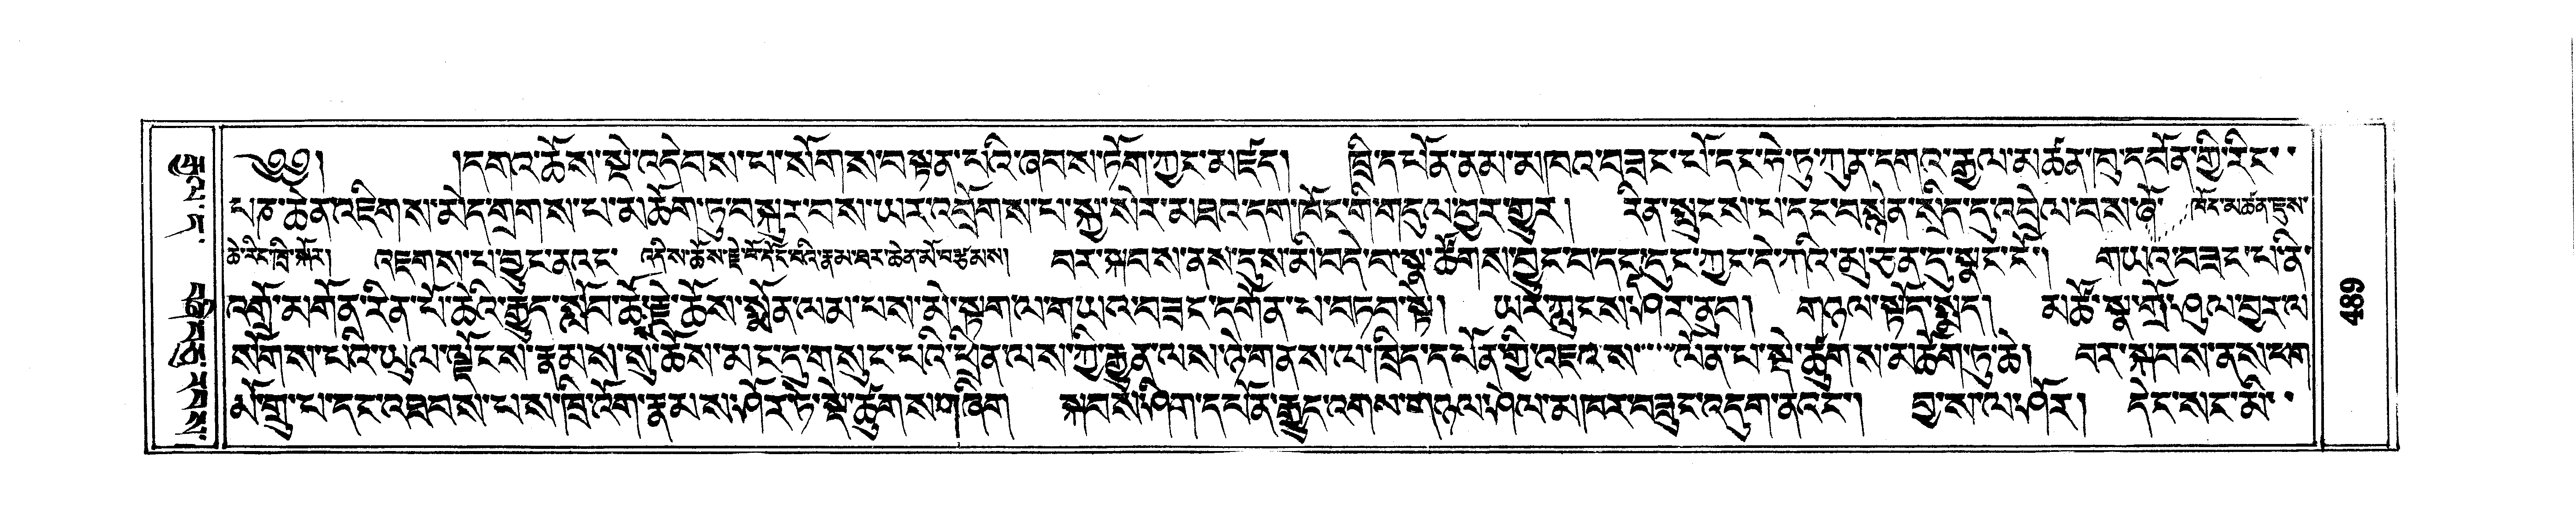༄༅། །དགའ་ཆོས་སྡེ་འདེབས་པ་སོགས་བསྟན་པའི་ཞབས་ཏོག་ཀྱང་མཛད། ཁྲི་དཔོན་ནམ་མཁའ་བཟང་པོ་དང་ཧེ་ཏུ་ཀུན་དགའ་རྒྱལ་མཚན་ཁུ་དབོན་གྱི་རིང་
པཎ་ཆེན་འཇིགས་མེད་གྲགས་པ་མཆོག་ཏུ་བསྐུར་བས་ཡར་འབྲོགས་པ་སྐྱ་སེར་མཐའ་དག་ཁོང་གི་གདུལ་བྱར་གྱུར། རིན་སྤུངས་པ་དང་བསྙེན་སྲིད་དུ་འབྲེལ་བས་ཞོ་ཁོང་མཚན་ཇུས་
ཆེ་རིང་ཁྲི་སྐོར། འཇགས་པ་བྱུང་ནའང་འདིས་ཆོས་རྗེ་བོ་དོང་བའི་རྣམ་ཐར་ཆེན་མོ་བརྩམས།  བར་སྐབས་ནས་དུས་མི་བདེ་བ་སྣ་ཚོགས་བྱུང་བ་དང་ད་དུང་ཀྱང་དེ་ཀའི་མུ་ཅན་དུ་སྣང་ངོ། གཡའ་བཟང་པ་ནི་
འགྲོ་མགོན་རིན་པོ་ཆེའི་རྒྱུད་སློབ་ཆོས་རྗེ་ཆོས་སྨོན་ལམ་པས་མེ་སྟག་ལ་གཡའ་བཟང་དགོན་པ་བཏབ་སྟེ། ཡར་ཀླུངས་ཤར་ནུབ། གཉལ་སྟོད་སྨད། མཚོ་སྣ་གྲོ་ཤུལ་བྱར་ལ་
སོགས་པའི་ཡུལ་ལྗོངས་རྣམས་སུ་ཆོས་མང་དུ་གསུང་པའི་ཕྲིན་ལས་ཀྱི་རྒྱུན་ལས་ཉེ་གནས་ལ་ཁྲིད་དཔོན་གྱི་འཇའ་ས་ལོན་པ་སྡེ་ཚུགས་མཆོག་ཏུ་ཆེ། བར་སྐབས་ནས་ཕག་
མོ་གྲུ་པ་དང་འཐབས་པས་ཁྲི་འོག་རྣམས་ཤོར་ཏེ་སྡེ་ཚུགས་གཞིག་སྐབས་ཤིག་དཔོན་རྒྱུད་འགས་གཉལ་ཤེལ་མཁར་བཟུང་འདུག་ནའང་། བྱ་ས་ལ་ཤོར། དེང་སང་མི་